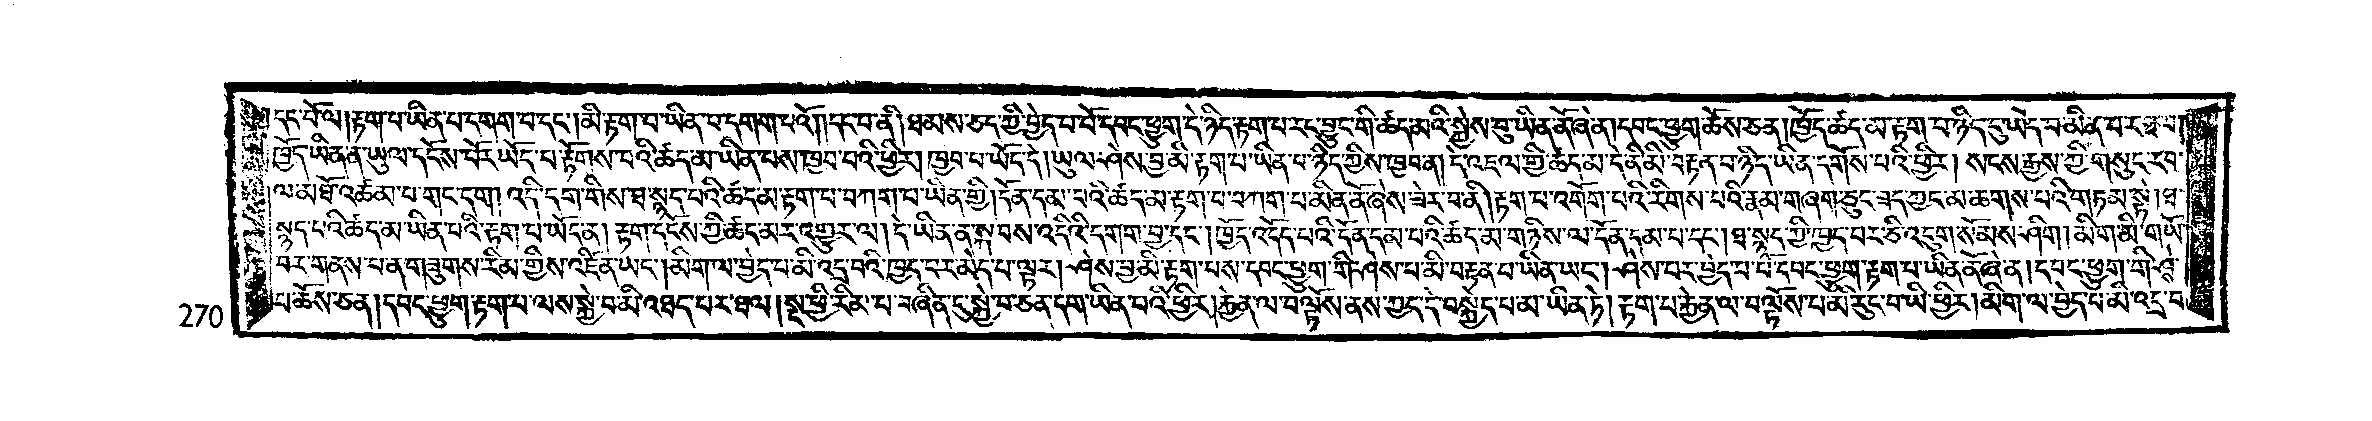དང་པོ་ལ། རྟག་པ་ཡིན་པ་དགག་པ་དང་། མི་རྟག་པ་ཡིན་པ་དགག་པའོ། །དང་པོ་ནི། ཐམས་ཅད་ཀྱི་བྱེད་པ་པོ་དབང་ཕྱུག་དེ་ཉིད་རྟག་པ་རང་བྱུང་གི་ཚད་མའི་སྐྱེས་བུ་ཡིན་ནོ་ཞེ་ན། དབང་ཕྱུག་ཆོས་ཅན། ཁྱོད་ཚད་མ་རྟག་པ་ཉིད་བུ་ཡོད་པ་མིན་པར་ཐལ།
ཁྱོད་ཡིན་ན་ཡུལ་དངོས་པོར་ཡོད་པ་རྟོགས་པའི་ཚད་མ་ཡིན་པས་ཁྱབ་པའི་ཕྱིར། ཁྱབ་པ་ཡོད་དེ། ཡུལ་ཤེས་བྱ་མི་རྟག་པ་ཡིན་པ་ཉིད་ཀྱིས་ཁྱབ་ན། དེ་འཇལ་གྱི་ཚད་མ་དེ་ནི་མི་བརྟན་པ་ཉིད་ཡིན་དགོས་པའི་ཕྱིར། སངས་རྒྱས་ཀྱི་གསུང་རང་
ལ་མཐོ་འཚམ་པ་གང་དག། འདི་དག་གིས་ཐ་སྙད་པའི་ཚད་མ་རྟག་པ་བཀག་པ་ཡིན་གྱི། དོན་དམ་པའི་ཚད་མ་རྟག་པ་བཀག་པ་མིན་ནོ་ཞེས་ཟེར་བ་ནི། རྟག་པ་འགོག་པའི་རིགས་པའི་རྣམ་གཞག་ཅུང་ཟད་ཀྱང་མ་ཆགས་པའི་གཏམ་སྟེ། ཐ་
སྙད་པའི་ཚད་མ་ཡིན་པའི་རྟག་པ་ཡོད་ན། རྟག་དངོས་ཀྱི་ཚད་མར་འགྱུར་ལ། དེ་ཡིན་ན་སྐབས་འདིའི་དགག་བྱ་དང་། ཁྱོད་འདོད་པའི་དོན་དམ་པའི་ཚད་མ་གཉིས་ལ་དོན་དམ་པ་དང་། ཐ་སྙད་ཀྱི་ཁྱད་པར་ཅི་འདུག་སོམས་ཤིག །མིག་མི་གཡོ་
བར་གནས་པ་ན་གཟུགས་རིམ་གྱིས་འཛིན་ཡང་། མིག་ལ་བྱེད་པ་མི་འདྲ་བའི་ཁྱད་པར་མེད་པ་ལྟར། ཤེས་བྱ་མི་རྟག་པས་དབང་ཕྱུག་གི་ཤེས་པ་མི་བརྟན་པ་ཡིན་ཡང་། ཤེས་པར་བྱེད་པ་པོ་དབང་ཕྱུག་རྟག་པ་ཡིན་ནོ་ཞེ་ན། དབང་ཕྱུག་གི་ཤེས་
པ་ཆོས་ཅན། དབང་ཕྱུག་རྟག་པ་ལས་སྐྱེ་བ་མི་འཐད་པར་ཐལ། སྔ་ཕྱི་རིམ་པ་བཞིན་དུ་སྐྱེ་བ་ཅན་དག་ཡིན་པའི་ཕྱིར། རྐྱེན་ལ་བལྟོས་ནས་ཀྱང་དེ་བསྐྱེད་པ་མ་ཡིན་ཏེ། རྟག་པ་རྐྱེན་ལ་བལྟོས་པ་མི་རུང་བ་ཡི་ཕྱིར། མིག་ལ་བྱེད་པ་མི་འདྲ་བ་